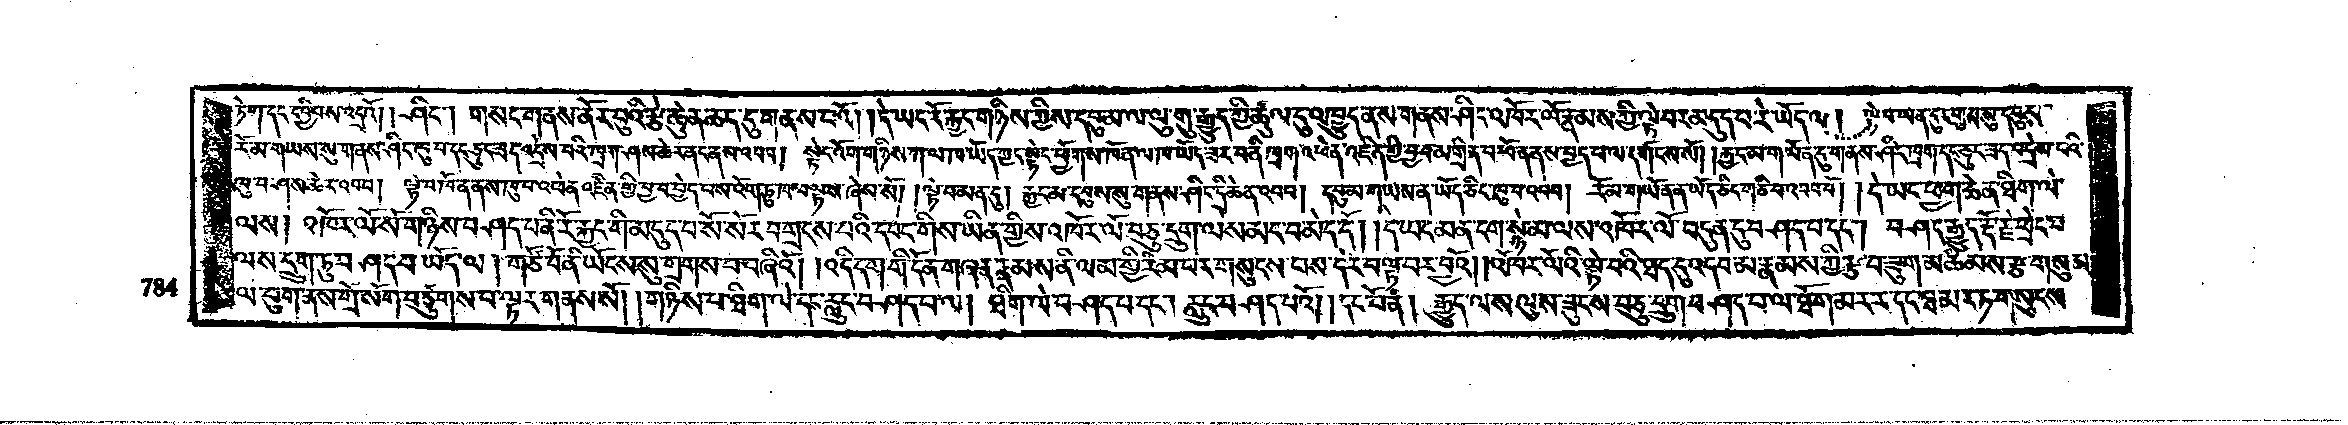ཏོག་དང་དབྱིབས་འདྲའོ། །ཤིང་། གསང་གནས་ནོར་བུའི་རྩེ་ཚུན་ཆད་དུ་གནས་པའོ། །དེ་ཡང་རོ་རྐྱང་གཉིས་ཀྱིས་དབུ་མ་ལ་ལུ་གུ་རྒྱུད་ཀྱི་ཚུལ་དུ་འཁྱུད་ནས་གནས་ཤིང་འཁོར་ལོ་རྣམས་ཀྱི་ལྟེ་བར་མདུད་པ་རེ་ཡོད་ལ། ལྟེ་བ་ཡན་དུར་ལུས་སུ་དབུས་
རོ་མ་གཡས་སུ་གནས་ཤིང་ཁུ་བ་དང་ཅུང་ཟད་འདྲེས་པའི་ཁྲག་ཤས་ཆེར་ནང་ནས་འབབ། སྟེང་འོག་གཉིས་ཀ་ལ་ཁ་ཡོད་ཀྱང་སྟེང་ཕྱོགས་ཁོ་ན་ལ་ཁ་ཡོད་ཟེར་བ་ནི་ཁྲག་འཕེན་འཛིན་གྱི་བྱ་བ་མགྲིན་པ་ཁོ་ན་ནས་བྱད་པ་ལ་དགོངས་སོ། །རྐྱང་མ་གཡོན་དུ་གནས་ཤིང་ཁྲག་དང་ཅུང་ཟད་འདྲེས་པའི་
ཁུ་བ་ཤས་ཆེར་འབབ། ལྟེ་བ་ཁོ་ན་ནས་ཁུ་བ་འཕེན་འཛིན་གྱི་བྱ་བ་བྱེད་པས་འོག་ཏུ་ཁ་བལྟས་ཞེས་སོ། །ལྟེ་བ་མན་དུ། རྐྱང་མ་དབུས་སུ་གནས་ཤིང་དྲི་ཆེན་འབབ། དབུ་མ་གཡས་ན་ཡོད་ཅིང་ཁུ་བ་འབབ། རོ་མ་གཡོན་ན་ཡོད་ཅིང་གཅི་བ་འབབ་བོ། །དེ་ཡང་ཕྱག་ཆེན་ཐིག་ལེ་
ལས། འཁོར་ལོ་སོ་གཉིས་བཤད་པ་ནི་རོ་རྐྱང་གི་མདུད་པ་སོ་སོར་བགྲངས་པའི་དབང་གིས་ཡིན་གྱིས་འཁོར་ལོ་བཅུ་དྲུག་ལས་མང་བ་མེད་དོ། །དེ་ཡང་མན་ངག་སྙེ་མ་ལས་འཁོར་ལོ་བདུན་དུ་བཤད་པ་དང་། བཤད་རྒྱུད་རྡོ་རྗེ་ཕྲེང་བ་
ལས་དྲུག་ཏུ་བཤད་པ་ཡོད་ལ། གཙོ་བོ་ནི་ཡོངས་སུ་གྲགས་པ་བཞིའོ། །འདི་དག་གི་དོན་གཞན་རྣམས་ནི་ལམ་གྱི་རིམ་པར་གསུངས་པས་དེར་བལྟ་བར་བྱའོ། །འཁོར་ལོའི་ལྟེ་བའི་ཐད་དུ་འདབ་མ་རྣམས་ཀྱི་རྩ་བ་ཟུག་མཚམས་རྩ་གསུམ་
ལ་བུག་ནས་གྲོ་སོག་བཙུགས་པ་ལྟར་གནས་སོ། །གཉིས་པ་ཐིག་ལེ་དང་རླུང་བཤད་པ་ལ། ཐིག་ལེ་བཤད་པ་དང་། རླུང་བཤད་པའོ། །དང་པོ་ནི། རྒྱུད་ལས་ལུས་ཟུངས་བཅུ་དྲུག་བཤད་པ་ལ་ཐོག་མར་ར་དང་ཐ་མར་ཏ་གསུངས་